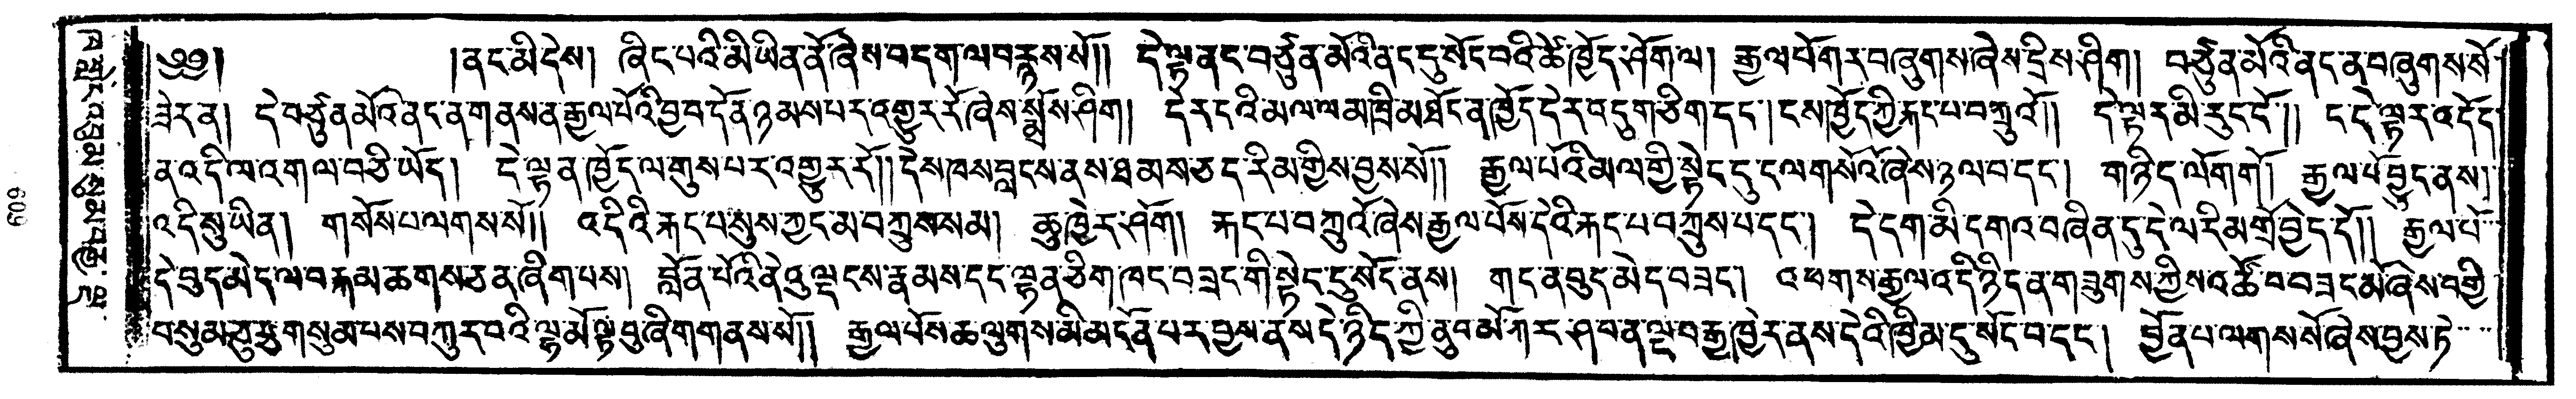༄༅། །ནང་མི་དེས། ཞིང་པའི་མི་ཡིན་ནོ་ཞེས་བདག་ལ་བརྙས་སོ།། དེ་ལྟ་ནང་བཙུན་མོའི་ནང་དུ་སོང་བའི་ཚེ་ཁྱོད་ཤོག་ལ། རྒྱལ་པོ་གར་བཞུགས་ཞེས་དྲིས་ཤིག། བཙུན་མོའི་ནང་ན་བཞུགས་སོ་
ཟེར་ན། དེ་བཙུན་མོའི་ནང་ན་གནས་ན་རྒྱལ་པོའི་བྱ་བ་དོན་ཉམས་པར་འགྱུར་རོ་ཞེས་སྨྲོས་ཤིག། དེར་ངའི་མལ་ལམ་ཁྲི་མཐོང་ན་ཁྱོད་དེར་འདུག་ཅིག་དང་། ངས་ཁྱོད་ཀྱི་རྐང་པ་བཀྲུའོ།། དེ་ལྟར་མི་རུང་ངོ།། ང་དེ་ལྟར་འདོད་
ན་འདི་ལ་འགལ་བ་ཅི་ཡོད། དེ་ལྟ་ན་ཁྱོད་ལ་གུས་པར་འགྱུར་རོ།། དེས་ཁས་བླངས་ནས་ཐམས་ཅད་རིམ་གྱིས་བྱས་སོ།། རྒྱལ་པོའི་མལ་གྱི་སྟེང་དུ་ངལ་གསོའོ་ཞེས་ཉལ་བ་དང་། གཉིད་ལོག་གོ། རྒྱལ་པོ་བྱུང་ནས།
འདི་སུ་ཡིན། གསོས་པ་ལགས་སོ།། འདིའི་རྐང་པ་སུས་ཀྱང་མ་བཀྲུས་སམ། ཆུ་ཁྱེར་ཤོག། རྐང་པ་བཀྲུའོ་ཞེས་རྒྱལ་པོས་དེའི་རྐང་པ་བཀྲུས་པ་དང་། དེ་དག་མི་དགའ་བཞིན་དུ་དེ་ལ་རིམ་གྲོ་བྱེད་དོ།། རྒྱལ་པོ་
དེ་བུད་མེད་ལ་བརྐམ་ཆགས་ཅན་ཞིག་པས། བློན་པོའི་ནེའུ་ལྡངས་རྣམས་དང་ལྷན་ཅིག་ཁང་བཟང་གི་སྟེང་དུ་སོང་ནས། གང་ན་བུད་མེད་བཟང་། འཕགས་རྒྱལ་འདི་ཉིད་ན་གཟུགས་ཀྱིས་འཚོ་བ་བཟང་མོ་ཞེས་བགྱི་
བ་སུམ་ཅུ་རྩ་གསུམ་པས་བཀུར་བའི་ལྷ་མོ་ལྟ་བུ་ཞིག་གནས་སོ།། རྒྱལ་པོ་ཆ་ལུགས་མི་མངོན་པར་བྱས་ནས་དེ་ཉིད་ཀྱི་ནུབ་མོ་ཀར་ཤ་བ་ན་ལྔ་བརྒྱ་ཁྱེར་ནས་དེའི་ཁྱིམ་དུ་སོང་བ་དང་། བྱོན་པ་ལགས་སོ་ཞེས་བྱས་ཏེ་